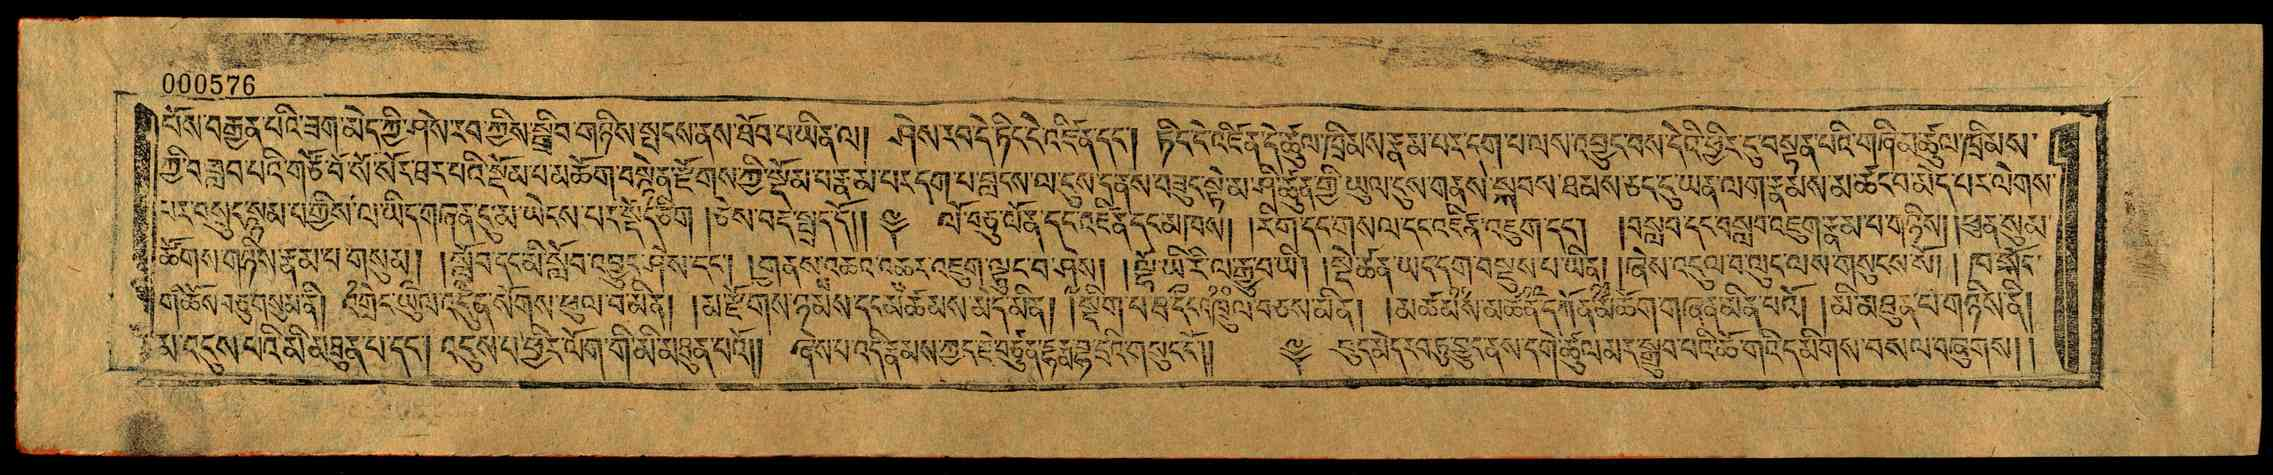པོས་བརྒྱན་པའི་ཟག་མེད་ཀྱི་ཤེས་རབ་ཀྱིས་སྒྲིབ་གཉིས་སྤངས་ནས་ཐོབ་པ་ཡིན་ལ། ཤེས་རབ་དེ་ཏིང་ངེ་འཛིན་དང་། ཏིང་ངེ་འཛིན་དེ་ཚུལ་ཁྲིམས་རྣམ་པར་དག་པ་ལས་འབྱུང་བས་དེའི་ཕྱིར་དུ་བསྟན་པའི་གཞི་མ་ཚུལ་ཁྲིམས་
ཀྱི་བསླབ་པའི་གཙོ་བོ་སོ་སོར་ཐར་པའི་སྡོམ་པ་མཆོག་བསྙེན་རྫོགས་ཀྱི་སྡོམ་པ་རྣམ་པར་དག་པ་བླངས་ལ་དུས་ད་?་ནས་བཟུང་སྟེ་མ་ཤི་ཚུན་གྱི་ཡུལ་དུས་གནས་སྐབས་ཐམས་ཅད་དུ་ཡན་ལག་རྣམས་མ་ཚང་བ་མེད་པར་ལེགས་
པར་བསྲུང་སྙམ་པ་གྱིས་ལ་ཡིད་གཞན་དུ་མ་ཡེངས་པར་སྡོད་ཅིག །ཅེས་བརྡ་སྤྲད་དོ། ། ༈ །ལོ་བཅུ་ལོན་དང་འཛིན་དང་མཁས། །རིག་དང་གསལ་དང་འཛིན་འཇུག་དང་། །བསླབ་དང་བསླབ་འཇུག་རྣམ་པ་གཉིས། །ཕུན་སུམ་
ཚོགས་གཉིས་རྣམ་པ་གསུམ། །སློབ་དང་མི་སློབ་འབྱུང་ཤེས་དང་། །གནས་འཆའ་འཆར་འཇུག་ལྟུང་བ་ཤེས། །ལྷོ་ཡི་རིལ་རྒྱུ་བ་ཡི། །སྡེ་ཚན་ཡང་དག་བསྡུས་མ་ཡིན། །ཞེས་འདུལ་བ་ལུང་ལས་གསུངས་སོ། །ཁ་སྐོང་
གི་ཆོས་བཅུ་གསུམ་ནི། འགྲེང ༡་ཡུལ ༢་བདུན་སོགས་ཕུལ་བ་མིན། །མ་རྫོགས་ཉམས་དང ༥་མཚམས་མེད་མིན། །སྡིག་པ་ཐ་དད་འཁྲུལ ༡་བཅས་མིན། །མཚམས་མཚམ་དཀོན་མཆོག་གཞན་མིན་པའོ། །མི་མཐུན་པ་གཉིས་ནི་
མ་འདུས་པའི་མི་མཐུན་པ་དང་། འདུས་པ་ཕྱིར་ལོག་གི་མི་མཐུན་པའོ། །ཞེས་པ་འདི་རྣམས་ཀྱང་རྗེ་བཙུན་དྷ་རྨ་བྷ་དྲའི་གསུང་ངོ།། ༈ བུད་མེད་དག་ཏུ་བྱུང་ནས་དགེ་ཚུལ་མར་སྒྲུབ་པའི་ཆོ་གའི་དམིགས་བསལ་བཞུགས། །